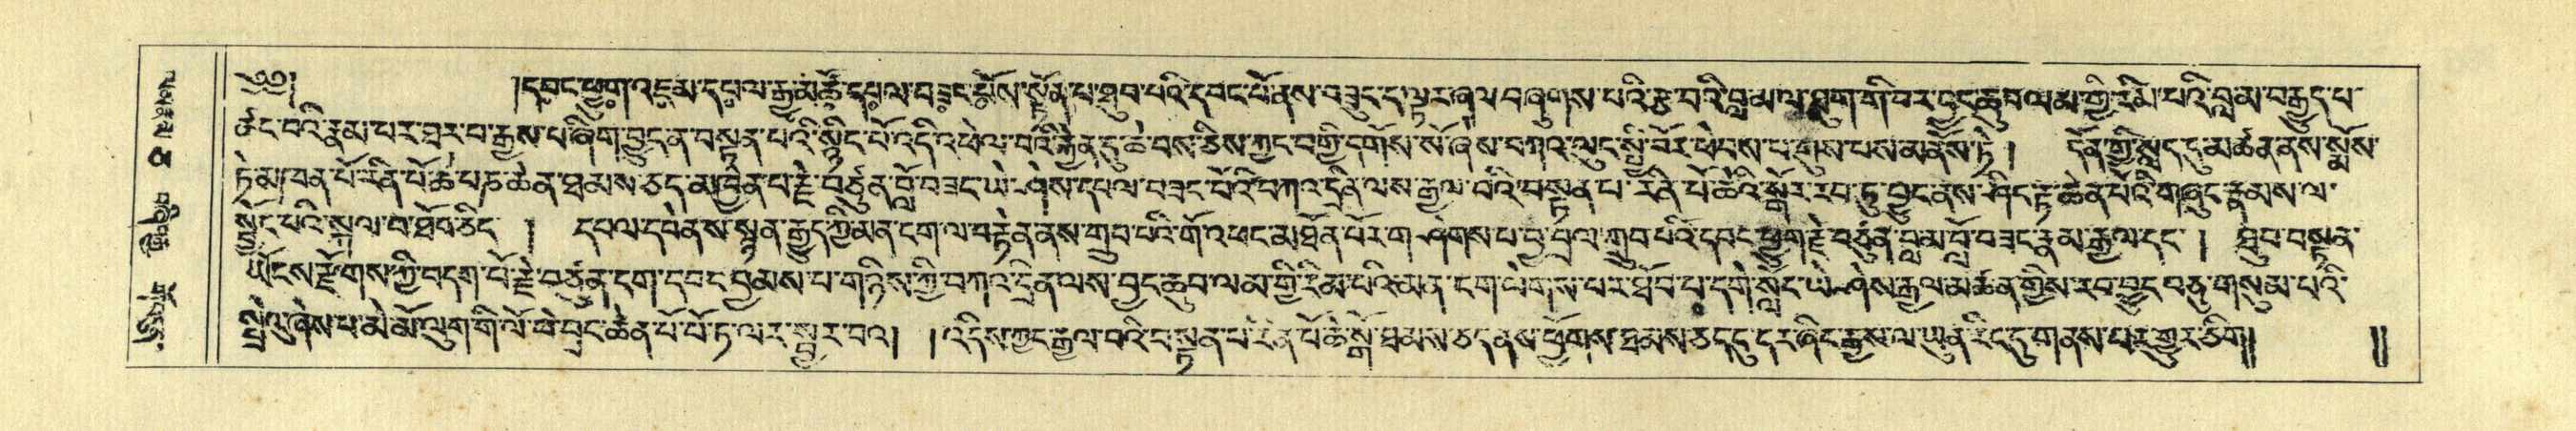༄༅། །དབང་ཕྱུག་འཇམ་དཔལ་རྒྱ་མཚོ་དཔལ་བཟང་པོས་སྟོན་པ་ཐུབ་པའི་དབང་པོ་ནས་བཟུང་ང་ལྟར་ཞལ་བཞུགས་པའི་རྩ་བའི་བླ་མ་ལ་ཐུག་གི་བར་བྱང་ཆུབ་ལམ་གྱི་རིམ་པའི་བླ་མ་བརྒྱུད་པ་
ཚང་བའི་རྣམ་པར་ཐར་པ་རྒྱས་པ་ཞིག་བྱུང་ན་བསྟན་པའི་སྙིང་པོ་འདི་འཕེལ་བའི་རྐྱེན་དུ་ཆེ་བས་ཅིས་ཀྱང་བགྱི་དགོས་སོ་ཞེས་བཀའ་ལུང་སྤྱི་བོར་ཕེབས་པ་གུས་པས་མནོས་ཏེ། དོན་གྱི་སླད་དུ་མཚན་ནས་སྨོས་
ཏེ་མཁན་པོ་རིན་པོ་ཆེ་པཎ་ཆེན་ཐམས་ཅད་མཁྱེན་པ་རྗེ་བཙུན་བློ་བཟང་ཡེ་ཤེས་དཔལ་བཟང་པོའི་བཀའ་དྲིན་ལས་རྒྱལ་བའི་བསྟན་པ་རིན་པོ་ཆེའི་སྒོར་རབ་ཏུ་བྱུང་ནས་ཤིང་རྟ་ཆེན་པོའི་གཞུང་རྣམས་ལ་
སྦྱོང་པའི་སྐལ་བ་ཐོབ་ཅིང་། དཔལ་དཔེན་ས་སྙན་རྒྱུད་ཀྱི་མན་ངག་ལ་བརྟེན་ནས་གྲུབ་པའི་གོ་འཕང་མཐོན་པོར་གཤེགས་པ་བྱ་བྲལ་གྲུབ་པའི་དབང་ཕྱུག་རྗེ་བཙུན་བླ་མ་བློ་བཟང་རྣམ་རྒྱལ་དང་། ཐུབ་བསྟན་
ཡོངས་རྫོགས་ཀྱི་བདག་པོ་རྗེ་བཙུན་ངག་དབང་བྱམས་པ་གཉིས་ཀྱི་བཀའ་དྲིན་ལས་བྱང་ཆུབ་ལམ་གྱི་རིམ་པའི་མན་ངག་ལེགས་པར་ཐོབ་པ་དགེ་སློང་ཡེ་ཤེས་རྒྱལ་མཚན་གྱིས་རབ་བྱུང་བཅུ་གསུམ་པའི་
སྤྲེའུ་ཞེས་པ་མེ་མོ་ལུག་གི་ལོ་ཕེ་བྲང་ཆེན་པོ་པོ་ཏ་ལར་སྦྱར་བའི། །འདིས་ཀྱང་རྒྱལ་བའི་བསྟན་པ་རིན་པོ་ཆེ་སྒོ་ཐམས་ཅད་ནས་ཕྱོགས་ཐམས་ཅད་དུ་དར་ཞིང་རྒྱས་ལ་ཡུན་རིང་དུ་གནས་པར་གྱུར་ཅིག། །།